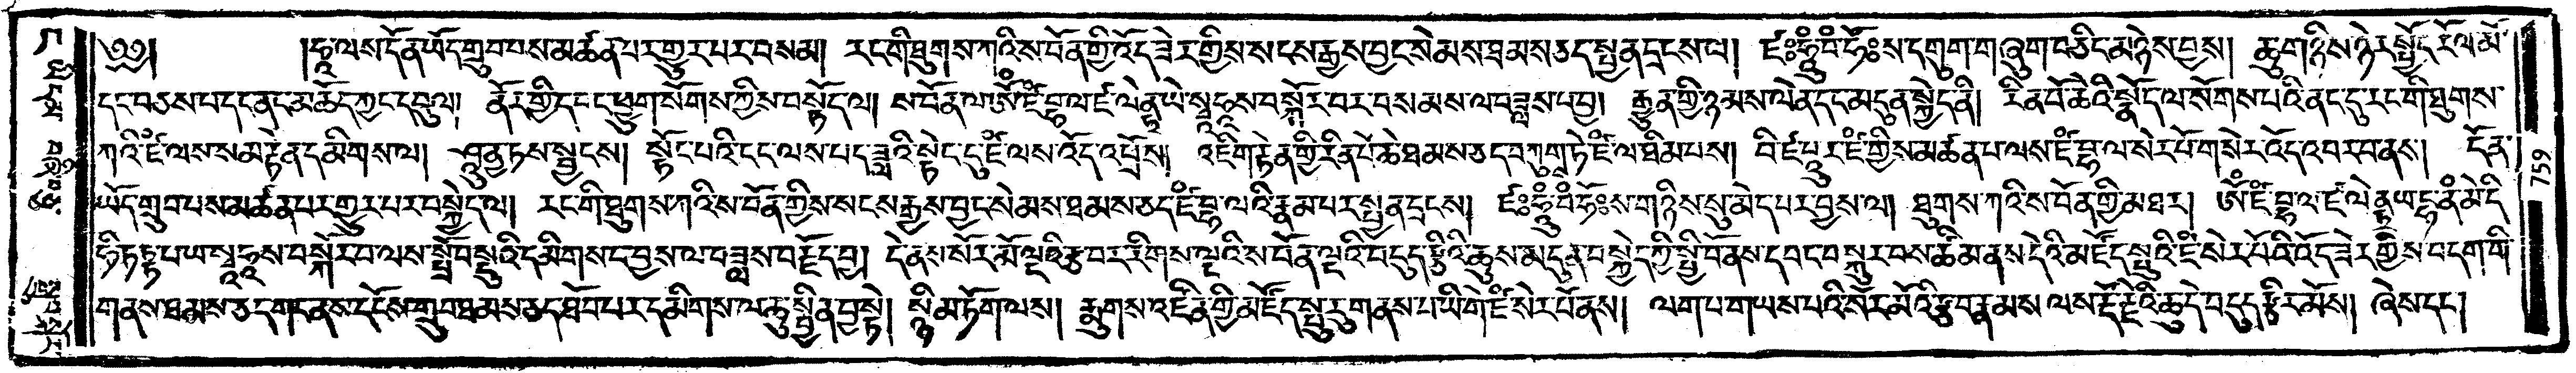༄༅། །ཧཱ་ལས་དོན་ཡོད་གྲུབ་པས་མཚན་པར་གྱུར་པར་བསམ། རང་གི་ཐུགས་ཀའི་ས་བོན་གྱི་འོད་ཟེར་གྱིས་སངས་རྒྱས་བྱང་སེམས་ཐམས་ཅད་སྤྱན་དྲངས་ལ། ཛཿ ཧཱུཾ་བཾ་ཧོཿ ས་དགུག་གཞུག་བ་ཅིང་མཉེས་བྱས། ཆུ་གཉིས་ཉེར་སྦྱོང་རོལ་མོ་
དང་བཅས་པ་དང་ནང་མཆོད་ཀྱང་དབུལ། ནོར་གྱི་དབང་ཕྱུག་སོགས་ཀྱིས་བསྟོད་ལ། ས་བོན་ལ་ཨོཾ་ཛི་བྷ་ལ་ཛ་ལེནྟྲ་ཡེ་སྭཱཧཱས་བསྐོར་པར་བསམས་ལ་བཟླས་པ་བྱ། རྒྱུན་གྱི་ཉམས་ལེན་དང་མདུན་སྐྱེད་ནི། རིན་པོ་ཆེའི་སྣོད་ལ་སོགས་པའི་ནང་དུ་རང་གི་ཐུགས་
ཀའི་ཛཾ་ལས་སམ་རྟེན་དམིགས་ལ། ཤཱུ་ནྱ་ཏས་སྦྱངས། སྟོང་པའི་ངང་ལས་པད་ཟླའི་སྟེང་དུ་ཛཾ་ལས་འོད་འཕྲོས། འཇིག་རྟེན་གྱི་རིན་པོ་ཆེ་ཐམས་ཅད་བཀུགས་ཏེ་ཛཾ་ལ་ཐིམ་པས། བི་ཛ་བཱུ་ར་ཛཾ་གྱིས་མཚན་པ་ལས་ཛཾ་བྷ་ལ་སེར་པོ་གསེར་འོད་འབར་བ་ནས། དོན་
ཡོད་གྲུབ་པས་མཚན་པར་གྱུར་པར་བསྐྱེད་ལ། རང་གི་ཐུགས་ཀའི་ས་བོན་གྱིས་སངས་རྒྱས་བྱང་སེམས་ཐམས་ཅད་ཛཾ་བྷ་ལའི་རྣམ་པར་སྤྱན་དྲངས། ཛཿ ཧཱུཾ་བཾ་ཧོཿ ས་གཉིས་སུ་མེད་པར་བྱས་ལ། ཐུགས་ཀའི་ས་བོན་གྱི་མཐར། ཨོཾ་ཛཾ་བྷ་ལ་ཛ་ལེནྟྲ་ཡ་དྷ་ནཾ་མེ་དི་
ཧི་ཏཏྟ་པ་ཡ་སྭཱཧཱ་ས་བསྐོར་བ་ལས་སྤྲོ་བསྡུའི་དམིགས་པ་བྱས་ལ་བཟླས་བརྗོད་བྱ། དེ་ནས་སོར་མོ་ལྔའི་རྩ་བར་རིགས་ལྔའི་ས་བོན་ལྔའི་བདུད་རྩིའི་ཆུས་མདུན་བསྐྱེད་ཀྱི་སྤྱི་བོ་ནས་དབང་བསྐུར་བས་ཚིམ་ནས་དེའི་མཛོད་སྤུའི་ཛཾ་སེར་པོའི་འོད་ཟེར་གྱིས་བདག་གི་
གནས་ཐམས་ཅད་གང་ནས་དངོས་གྲུབ་ཐམས་ཅད་ཐོབ་པར་དམིགས་ལ་ཆུ་སྦྱིན་བྱ་སྟེ། སྙིམ་ཏོག་ལས། རྨུགས་འཛིན་གྱི་མཛོད་སྤུ་རུ་གནས་པ་ཡི་གེ་ཛཾ་སེར་པོ་ནས། ལག་པ་གཡས་པའི་སོར་མོའི་རྩ་བ་རྣམས་ལས་རྡོ་རྗེའི་ཆུ་དེ་བདུད་རྩིར་མོས། ཞེས་དང་།